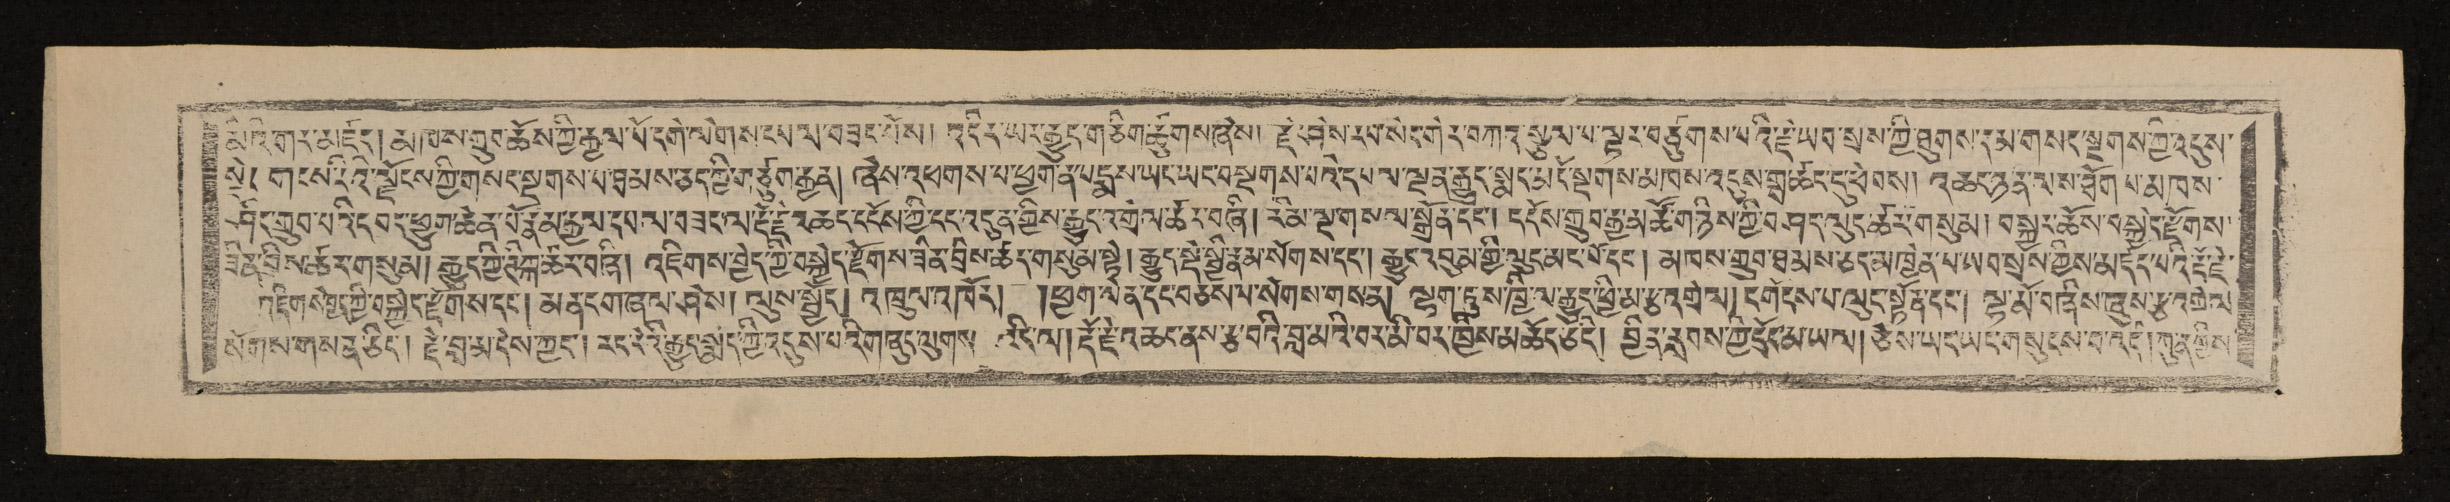མིའི་གར་མཛད། མཁས་གྲུབ་ཆོས་ཀྱི་རྒྱལ་པོ་དགེ་ལེགས་དཔལ་བཟང་པོས། འདིར་ཡང་རྒྱུད་གཅིག་ཚུགས་ཞེས། རྗེ་ཤེས་རབ་སེང་གེར་བཀའ་སྩལ་བ་ལྟར་བཙུགས་པའི་རྗེ་ཡབ་སྲས་ཀྱི་ཐུགས་དམ་གསང་སྔགས་ཀྱི་འདུས་
སྡེ༑ གངས་རིའི་ལྗོངས་ཀྱི་གསང་སྔགས་པ་ཐམས་ཅད་ཀྱི་གཙུག་རྒྱན། ཞེས་འཕགས་པ་ཕྱག་ན་པདམས་ཡང་ཡང་བསྔགས་པའི་དཔལ་ལྡན་རྒྱུད་སྨད་མདོ་སྔགས་མཁས་འདུས་གྲྭ་ཚང་དུ་ཕེབས། འཆང་ཉན་ལས་ཐོག་པ་མཁས་
ཤིང་གྲུབ་པའི་དབང་ཕྱུག་ཆེན་པོ་རྣམ་རྒྱལ་དཔལ་བཟང་ལ་རྡོ་རྗེ་འཆང་དངོས་ཀྱི་དད་འདུན་གྱིས་རྒྱུད་འགྲེལ་ཚར་བཞི། རིམ་ལྔ་གསལ་སྒྲོན་དང་། དངོས་གྲུབ་རྒྱ་མཚོ་གཉིས་ཀྱི་བཤད་ལུང་ཚར་གསུམ། བསྐྱར་ཆོས་བསྐྱེད་རྫོགས་
ཟིན་བྲིས་ཚར་གསུམ། རྒྱུད་ཀྱི་ཊིཀྐ་ཚར་བཞི། འཇིགས་བྱེད་ཀྱི་བསྐྱེད་རྫོགས་ཟིན་བྲིས་ཚར་གསུམ་སྟེ། རྒྱུད་སྡེ་སྤྱི་རྣམ་སོགས་དང་། རྒྱུད་འབུམ་གྱི་ལུང་མང་པོ་དང་། མཁས་གྲུབ་ཐམས་ཅད་མཁྱེན་པ་ཡབ་སྲས་ཀྱིས་མཛད་པའི་རྡོ་རྗེ་
འཇིགས་བྱེད་ཀྱི་བསྐྱེད་རྫོགས་དང་། མན་ངག་ཞལ་ཤེས། ལུས་སྦྱོང་། འཁྲུལ་འཁོར། ཕྱག་ལེན་དང་བཅས་པ་སོགས་གསན། ལྷག་ཏུ་ས་ཁྱི་ལ་རྒྱུད་ཕྱི་མ་རྩ་འགྲེལ། དགོངས་པ་ལུང་སྟོན་དང་། ལྷ་མོ་བཞིས་ཞུས་རྩ་འགྲེལ་
སོགས་གསན་ཅིང་། རྗེ་བླ་མ་དེས་ཀྱང་། རང་རེའི་རྒྱུད་སྨད་ཀྱི་འདུས་པའི་གཞུང་ལུགས་འདི་ལ། རྡོ་རྗེ་འཆང་ནས་རྩ་བའི་བླ་མའི་བར་མི་བར་ཁྱིས་མཆོད་ཅིང་། བྱིན་རླབས་ཀྱི་དྲོད་མ་ཡལ། ཅེས་ཡང་ཡང་གསུངས་པ་འདི། ཀུན་གྱིས་